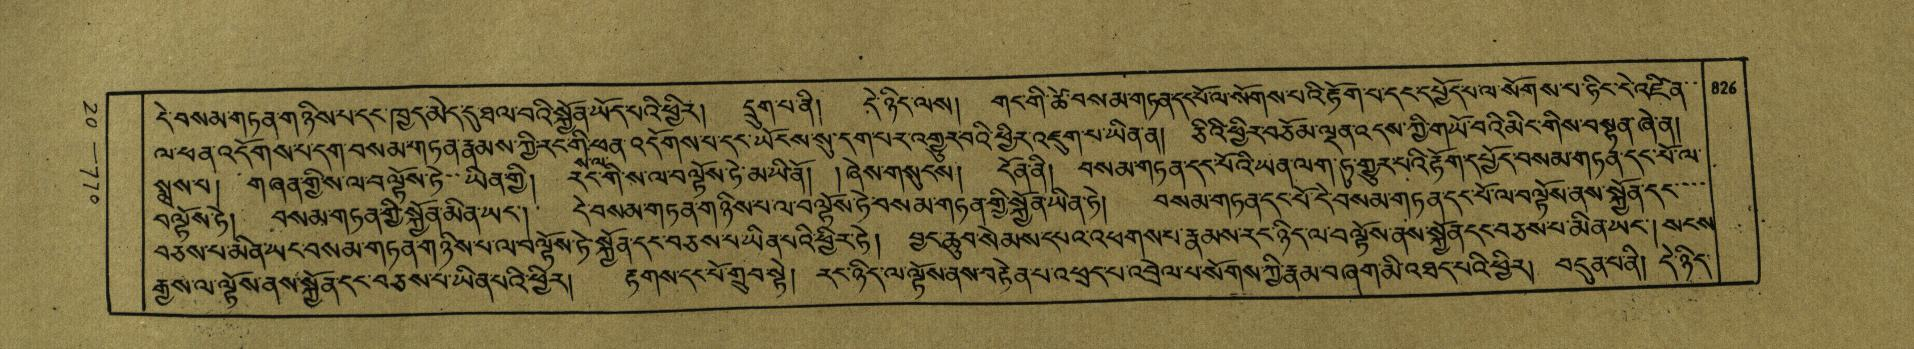དེ་བསམ་གཏན་གཉིས་པ་དང་ཁྱད་མེད་དུ་ཐལ་བའི་སྐྱོན་ཡོད་པའི་ཕྱིར། དྲུག་པ་ནི། དེ་ཉིད་ལས། གང་གི་ཚེ་བསམ་གཏན་དང་པོ་ལ་སོགས་པའི་རྟོག་པ་དང་དཔྱོད་པ་ལ་སོགས་པ་ཏིང་ངེ་འཛིན་
ལ་ཕན་འདོགས་པ་དག་བསམ་གཏན་རྣམས་ཀྱི་རང་གི་ས་ལ་ཕན་འདོགས་པ་དང་ཡོངས་སུ་དག་པར་འགྱུར་བའི་ཕྱིར་འཇུག་པ་ཡིན་ན། ཅིའི་ཕྱིར་བཅོམ་ལྡན་འདས་ཀྱི་གཡོ་བའི་མིང་གིས་བསྟན་ཞེ་ན།
སྨྲས་པ། གཞན་གྱི་ས་ལ་བལྟོས་ཏེ་ཡིན་གྱི། རང་གི་ས་ལ་བལྟོས་ཏེ་མ་ཡིན་ནོ། །ཞེས་གསུངས། དོན་ནི། བསམ་གཏན་དང་པོའི་ཡན་ལག་ཏུ་གྱུར་པའི་རྟོག་དཔྱོད་བསམ་གཏན་དང་པོ་ལ་
བལྟོས་ཏེ། བསམ་གཏན་གྱི་སྐྱོན་མིན་ཡང་། དེ་བསམ་གཏན་གཉིས་པ་ལ་བལྟོས་ཏེ་བསམ་གཏན་གྱི་སྐྱོན་ཡིན་ཏེ། བསམ་གཏན་དང་པོ་དེ་བསམ་གཏན་དང་པོ་ལ་བལྟོས་ནས་སྐྱོན་དང་
བཅས་པ་མིན་ཡང་བསམ་གཏན་གཉིས་པ་ལ་བལྟོས་ཏེ་སྐྱོན་དང་བཅས་པ་ཡིན་པའི་ཕྱིར་ཏེ། བྱང་ཆུབ་སེམས་དཔའ་འཕགས་པ་རྣམས་རང་ཉིད་ལ་བལྟོས་ནས་སྐྱོན་དང་བཅས་པ་མིན་ཡང་། སངས་
རྒྱས་ལ་ལྟོས་ནས་སྐྱོན་དང་བཅས་པ་ཡིན་པའི་ཕྱིར། རྟགས་དང་པོ་གྲུབ་སྟེ། རང་ཉིད་ལ་ལྟོས་ནས་བརྟེན་པ་འཕྲད་པ་འབྲེལ་པ་སོགས་ཀྱི་རྣམ་བཞག་མི་འཐད་པའི་ཕྱིར། བདུན་པ་ནི། དེ་ཉིད་